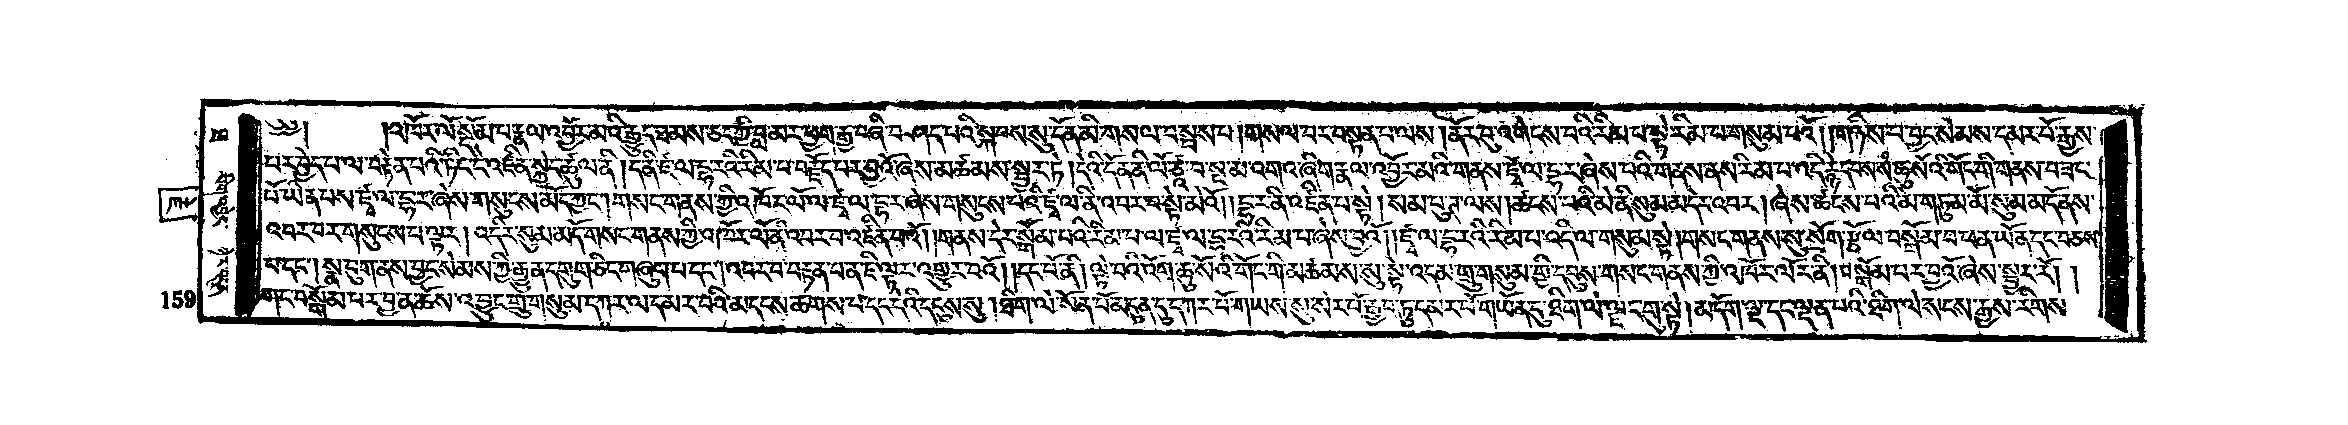༄༅། །འཁོར་ལོ་སྡོམ་པ་རྣལ་འབྱོར་མའི་རྒྱུད་ཐམས་ཅད་ཀྱི་བླ་མར་ཕྱག་རྒྱ་བཞི་བཤད་པའི་སྐབས་སུ་དོན་མི་གསལ་བ་སྦས་པ། གསལ་བར་བསྟན་པ་ལས། ནོར་བུ་འགེངས་པའི་རིམ་པ་སྟེ་རིམ་པ་གསུམ་པའོ། །གཉིས་པ་བྱང་སེམས་དམར་པོ་རྒྱས་?
པར་བྱེད་པ་ལ་བརྟེན་པའི་ཏིང་ངེ་འཛིན་སྐྱེད་ཚུལ་ནི། ད་ནི་ཛྭ་ལ་དྷ་རའི་རིམ་པ་བརྗོད་པར་བྱའོ་ཞེས་མཚམས་སྦྱར་ཏེ། དེའི་དོན་ནི་ལོ་ཙཱ་བ་སྔ་མ་འགའ་ཞིག་རྣལ་འབྱོར་མའི་གནས་ཛྭ་ལ་དྷ་ར་ཞེས་པའི་གནས་ནས་རིམ་པ་འདི་རྙེད་པས་སཾ་ཆུ་སོའི་གོང་གི་གནས་བཟང་
པོ་ཡིན་པས་ཛྭ་ལ་དྷ་ར་ཞེས་གསུངས་མོད་ཀྱང་། གསང་གནས་ཀྱི་འཁོར་ལོ་ལ་ཛྭ་ལ་དྷ་ར་ཞེས་གསུངས་པའི་ཛྭ་ལ་ནི་འབར་བ་སྟེ་མེའོ། །དྷ་ར་ནི་འཛིན་པ་སྟེ། སཾ་པུ་ཊ་ལས། ཚངས་པའི་མེ་ནི་སུམ་མདོར་འབར། ཞེས་ཚངས་པའི་མེ་གཏུམ་མོ་སུམ་མདོ་ནས་
འབར་བར་གསུངས་པ་ལྟར། འདིར་སུམ་མདོ་གསང་གནས་ཀྱི་འཁོར་ལོ་ནི་འབར་བ་འཛིན་པའོ། །གནས་དེར་སྒོམ་པའི་རིམ་པ་ལ་ཛྭ་ལ་དྷ་རའི་རིམ་པ་ཞེས་བྱའོ། །ཛྭ་ལ་དྷ་རའི་རིམ་པ་འདི་ལ་གསུམ་སྟེ། གསང་གནས་སུ་སྲོག་རྩོལ་བསྒོམ་པ་ཕན་ཡོན་དང་བཅས་
པ་དང་། སྣ་བུག་ནས་བྱང་སེམས་ཀྱི་རྒྱུན་དགུག་ཅིང་གཞུག་པ་དང་། འབར་བ་བརྟན་པ་ན་ཇི་ལྟར་འགྱུར་བའོ། །དང་པོ་ནི། ལྟེ་བའི་འོག་ཆུ་སོའི་གོང་གི་མཚམས་སུ་སྟེ་འདམ་གྲུ་གསུམ་གྱི་དབུས་གསང་གནས་ཀྱི་འཁོར་ལོར་ནི། བསྒོམ་པར་བྱའོ་ཞེས་སྦྱར་རོ། །
གང་བསྒོམ་པར་བྱ་ན་ཆོས་འབྱུང་གྲུ་གསུམ་དཀར་ལ་དམར་བའི་མདངས་ཆགས་པ་དང་དེའི་དབུས་སུ། ཐིག་ལེ་སྔོན་པོ་མདུན་དུ་དཀར་པོ་གཡས་སུ་སེར་པོ་རྒྱབ་ཏུ་དམར་པོ་གཡོན་དུ་ཐིག་ལེ་ལྗང་གུ་སྟེ། མདོག་ལྔ་དང་ལྡན་པའི་ཐིག་ལེ་སངས་རྒྱས་རིགས་